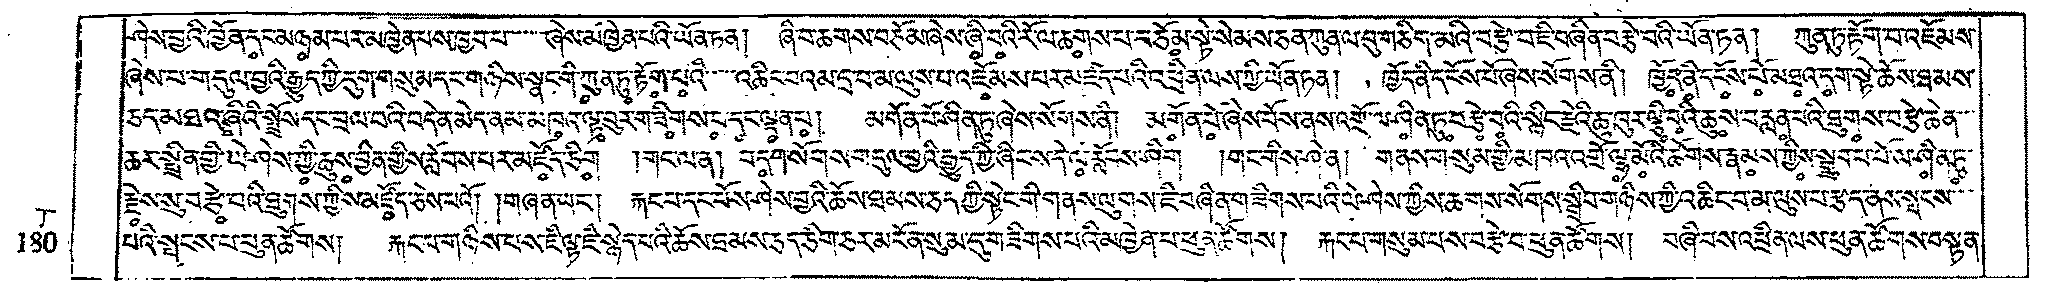ཤེས་བྱའི་ཁྱོན་དང྾་མཉམ྾་པར་མཁྱེན་པས་ཁྱབ་པ་་་ཞེས་མཁྱེན་པའི་ཡོན་ཏན། ཞིབ་ཆགས་བཅོམ་ཞེས་ཞི྾་བའི྾་རོ་ལ་ཆགས྾་པ་བཅོམ྾་སྟེ་སེམས་ཅན་ཀུན་ལ་བུ་གཅིག་མའི་བརྩེ་བ་ཇི་བཞིན་བརྩེ་བའི་ཡོན་ཏན། ཀུན་ཏུ་རྟོག་པ་འཇོམས་
ཞེས་པ་གདུལ་བྱའི་རྒྱུད་ཀྱི་དུག་གསུམ་དང་གཉིས་སྣང་གི་ཀུན྾་ཏུ྾་རྟོག྾་པའི྾་་་འཆིང་བའམ་དྲ་བ་མ་ལུས་པ་འཛོམས་པར་མཛད་པའི་འཕྲིན་ལས་ཀྱི་ཡོན་ཏན། ཁྱོད་ནི་དངོས་པོ་ཞེས་སོགས་ནི། ཁྱོད྾་ནི྾་དངོས྾་པོ྾་མཐའ྾་དག྾་སྟེ་ཆོས་ཐམས་
ཅད་མཐའ྾་ཞིའི་སྤྲོས་དང་བྲལ་བའི་བདེན་མེད་ནམ་མཁའ྾་ལྟ྾་བུར་གཟིགས྾་པ྾་དང྾་ལྡན྾་པ྾། མགོན་པོ་ཤིན་ཏུ་ཞེས་སོགས་ནི། མགོན྾་པོ྾་ཞེས་བོས་ནས་འགྲོ་ལ་ཤིན྾་ཏུ྾་བརྩེ྾་བའི྾་སྙིང་རྗེའི་ཆུ་ཁུར་ལྕི྾་བའི྾་ཆུས་བརླན྾་པའི་ཐུགས་བརྩེ་ཆེན་་་
ཆར་སྤྲིན་གྱི་ཡེ་ཤེས་ཀྱི྾་ཆུས྾་བྱིན་གྱིས་རློབས་པར་མཛོད྾་ཅིག྾་།གང་ལ་ན། བདག྾་སོགས་གདུལ་བྱའི་རྒྱུད་ཀྱི་ཞིང་ས་དེ་ལ྾་རློབས་ཤིག །གང་གིས་ཤེ་ན། གནས་གསུམ་གྱི་མཁའ་འགྲོ་ལྷ྾་མོའི྾་ཚོགས་རྣམས྾་ཀྱིས྾་སྒྲུབ་པ་པོ་ལ་ཤིན྾་ཏུ྾་
རྗེས྾་སུ་བརྩེ྾་བའི་ཐུགས་ཀྱིས་མཛོད྾་ཅེས་པའོ། །གཞན་ཡང་། རྐང་པ་དང་པོས་ཤེས་བྱའི་ཆོས་ཐམས་ཅད་ཀྱི་སྟེང་གི་གནས་ལུགས་ཇི་བཞིན་གཟིགས་པའི་ཡེ་ཤེས་ཀྱིས་ཆགས་སོགས་སྒྲིབ་གཉིས་ཀྱི་འཆིང་བ་མ་ལུས་པ་རྩད་ནས་སྤངྶ་་་
པའི་སྤངས་པ་ཕུན་ཚོགས། རྐང་པ་གཉིས་པས་ཇི་ལྟ་ཇི་སྙེད་པའི་ཆོས་ཐམས་ཅད་ཅིག་ཅར་མངོན་སུམ་དུ་གཟིགས་པའི་མཁྱེན་པ་ཕུན་ཚོགས། རྐང་པ་གསུམ་པས་བརྩེ་བ་ཕུན་ཚོགས། བཞི་བས་འཕྲིན་ལས་ཕུན་ཚོགས་བསྟན་